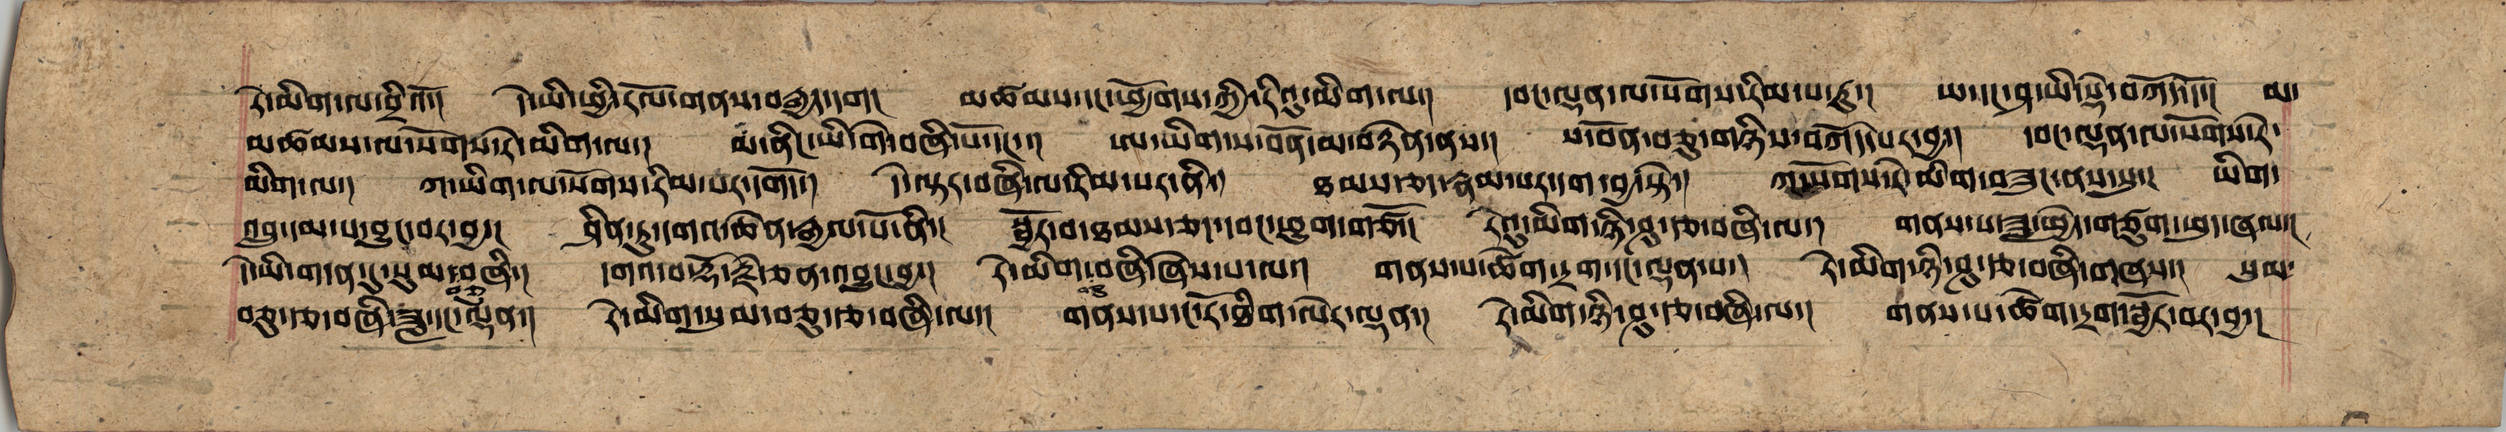རེ་མིག་ལ་བྲིའོ་། དེ་ཡི་ཕྱི་རོལ་གནས་བརྒྱད་དག། མཚམས་དང་ཕྱོགས་ཀྱི་རིའུ་མིག་ལ་། དབང་ལྡན་ལ་སོགས་རིམ་པ་རུ་། ཡ་དང་ཤ་ཡི་སྡེ་བཀོད་དོ་། མ་
མཚམས་ལ་སོགས་རེ་མིག་ལ་། མ་ནིང་ཡི་གེ་བཞི་པོ་དང་་། ཨ་ཡིག་ས་བོན་མ་བརྟེན་ནས་། ས་བོན་བཅུ་གཉིས་བཀོད་པར་བྱ་། དབང་ལྡན་ལ་སོགས་རེ་
མིག་ལ་། ཀ་ཡིག་ལ་སོགས་རིམ་པར་དགོད་། དེ་ལྟར་བཞི་ལ་རིམ་པར་ནི་། ཐམས་ཅད་རྣམ་པར་དག་བྱ་སྟེ་། ཀ་སོགས་རེ་མིག་བཟུང་ནས་སུ་། ཡིག་
འབྲུ་དམ་པ་འབྱུང་བར་བྱ་། ཤིན་ཏུ་དགའ་ཆེན་རྒྱལ་པོ་ནི་། སྦྱོར་བ་ཐམས་ཅད་དབང་ཕྱུག་གཙོ་། རེའུ་མིག་ཉི་ཤུ་རྩ་བཞི་ལ་། གནས་པ་ཟླ་ཕྱེད་གཙུག་ཕུད་ཞལ་།
དེ་ཡི་གདན་དུ་སུམ་བཅུ་བཞི་། དགའ་བ་རྡོ་རྗེ་ཅན་འབྱུང་བྱ་། རེ་མིག་བཅུ་བཞི་ཞེས་པ་ལ་། གནས་པ་ཚེག་དྲག་དང་ལྡན་པ་། རེ་མིག་ཉི་ཤུ་རྩ་བཞི་གཞས་། སུམ་
བཅུ་རྩ་བཞི་ཟླ་དང་ལྡན་། རེ་མིག་སུམ་བཅུ་རྩ་བཞི་ལ་། གནས་པ་ང་རོ་ཐིག་ལེར་ལྡན་། རེ་མིག་ཉི་ཤུ་རྩ་བཞི་ལ་། གནས་པཚེག་དྲག་སྦྱར་བར་བྱ་།